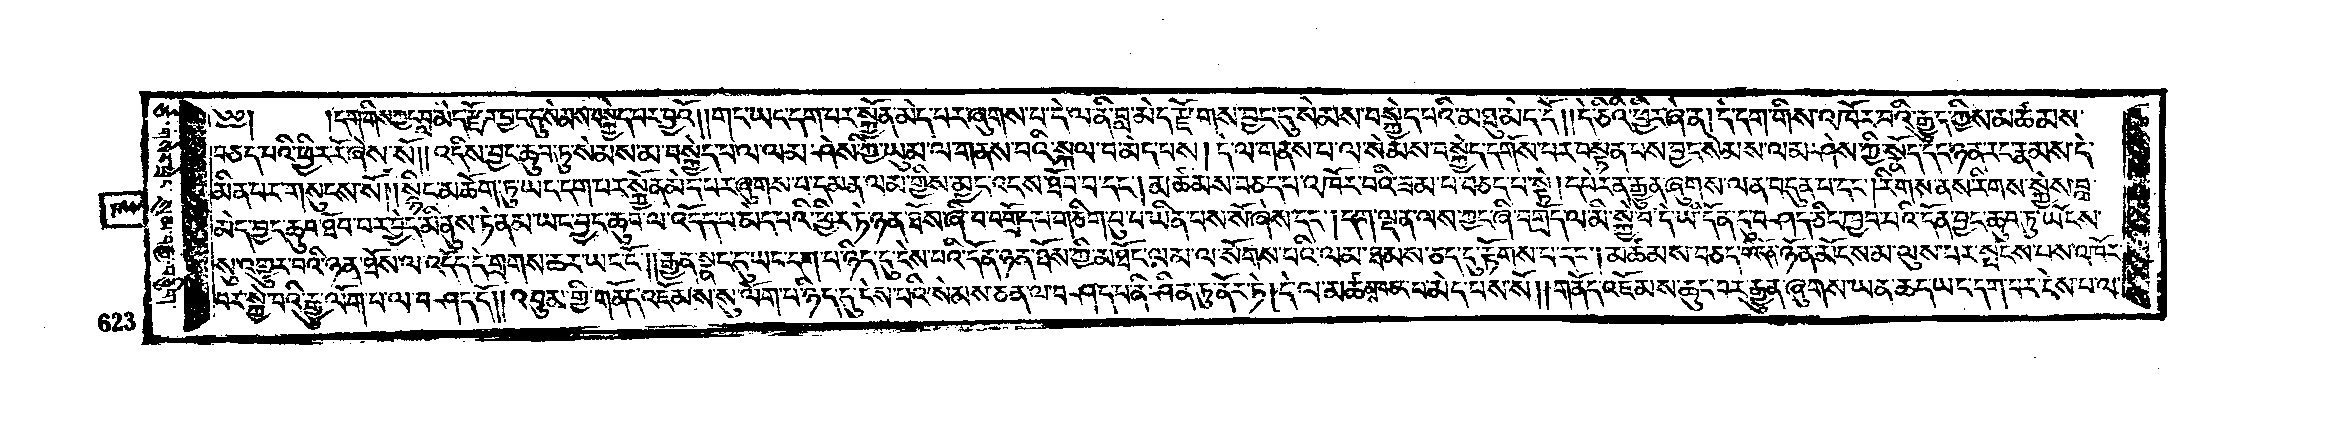༄༅། །དག་གིས་ཀྱང་བླ་མེད་རྫོགས་བྱང་དུ་སེམས་བསྐྱེད་པར་བྱའོ། །གང་ཡང་དག་པར་སྐྱོན་མེད་པར་ཞུགས་པ་དེ་ལ་ནི་བླ་མེད་རྫོགས་བྱང་དུ་སེམས་བསྐྱེད་པའི་མཐུ་མེད་དོ། །དེ་ཅིའི་ཕྱིར་ཞེ་ན། དེ་དག་གིས་འཁོར་བའི་རྒྱུད་ཀྱིས་མཚམས་
བཅད་པའི་ཕྱིར་རོ་ཞེས་སོ། །འདིས་བྱང་ཆུབ་ཏུ་སེམས་མ་བསྐྱེད་པ་ལ་ལམ་ཤེས་ཀྱི་ཡུམ་ལ་གནས་པའི་སྐལ་བ་མེད་པས། དེ་ལ་གནས་པ་ལ་སེམས་བསྐྱེད་དགོས་པར་བསྟན་པས་བྱང་སེམས་ལམ་ཤེས་ཀྱི་སྣོད་དང་ཉན་རང་རྣམས་དེ་
མིན་པར་གསུངས་སོ། །སྙིང་མཆོག་ཏུ་ཡང་དག་པར་སྐྱོན་མེད་པར་ཞུགས་པ་དམན་ལམ་གྱིས་མྱང་འདས་ཐོབ་པ་དང་། མཚམས་བཅད་པ་འཁོར་བའི་ཟམ་པ་བཅད་པ་སྟེ། དཔེར་ན་རྒྱུན་ཞུགས་ལན་བདུན་པ་དང་། རིགས་ནས་རིགས་སྐྱེས་བླ་
མེད་བྱང་ཆུབ་ཐོབ་པར་བྱེད་མི་ནུས་ཏེ་ནམ་ཡང་བྱང་ཆུབ་ལ་འདོད་པ་མེད་པའི་ཕྱིར་ཏེ་ཉན་ཐོས་ཞི་བ་བགྲོད་པ་གཅིག་པུ་པ་ཡིན་པས་སོ་ཞེས་དང་། དག་ལྡན་ལས་ཀྱང་ཞི་བགྲོད་ལ་མི་སྐྱེ་བ་དེ་ཡི་དོན་དུ་བཤད་ཅིང་ཁྱབ་པའི་དོན་བྱང་ཆུབ་ཏུ་ཡོངས་
སུ་འགྱུར་བའི་ཉན་ཐོས་ལ་འདོད་དེ་གྲགས་ཆར་ཡང་ངོ། །རྒྱན་སྣང་དུ་ཡང་དག་པ་ཉིད་དུ་ངེས་པའི་དོན་ཉན་ཐོས་ཀྱི་མཐོང་ལམ་ལ་སོགས་པའི་ལམ་ཐམས་ཅད་དུ་རྟོགས་པ་དང་། མཚམས་བཅད་པའི་དོན་ཉོན་མོངས་མ་ལུས་པར་སྤངས་པས་འཁོར་
བར་སྐྱེ་བའི་རྒྱུ་ལོག་པ་ལ་བཤད་དོ། །འབུམ་གྱི་གནོད་འཇོམས་སུ་ལོག་པ་ཉིད་དུ་ངེས་པའི་སེམས་ཅན་ལ་བཤད་པ་ནི་ཤིན་ཏུ་ནོར་ཏེ། དེ་ལ་མཚམས་བཅད་པ་མེད་པས་སོ། །གནོད་འཇོམས་ཆུང་བར་རྒྱུན་ཞུགས་ཡན་ཆད་ཡང་དག་པར་ངེས་པ་ལ་